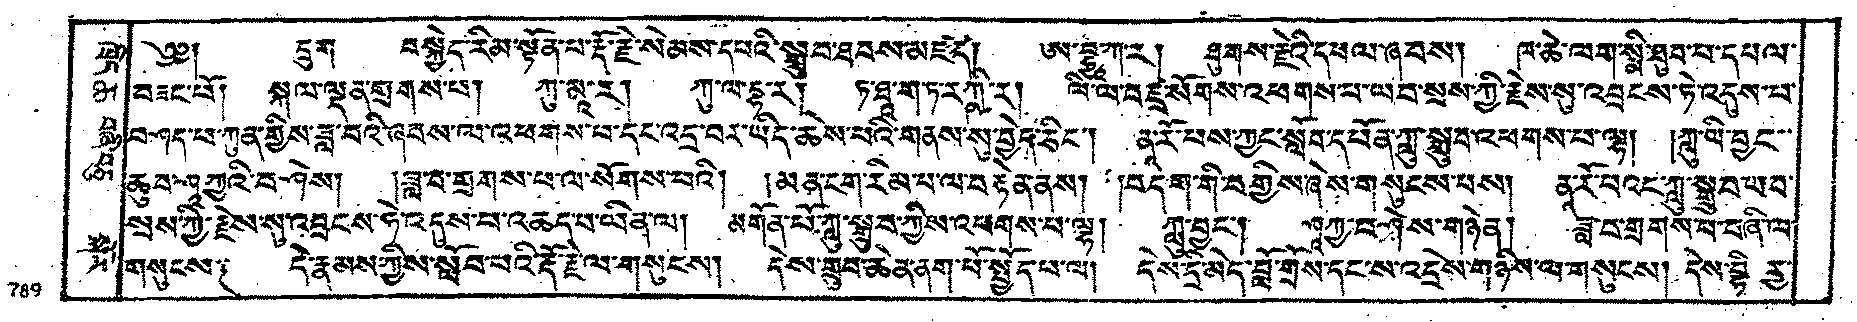༄༅། །དྲུག་བསྐྱེད་རིམ་སྟོན་པ་རྡོ་རྗེ་སེམས་དཔའི་སྒྲུབ་ཐབས་མཛད། ཨ་བྷྱའ་ཀ་ར། ཐུགས་རྗེའི་དཔལ་ཞབས། ཁ་ཆེ་ལག་སྨི་ཐུབ་པ་དཔལ་
བཟང་པོ། སྐལ་ལྡན་གྲགས་པ། ཀུ་མཱ་ར། ཀུ་ལ་དྷ་ར། ཏ་ཐཱ་ག་ཏ་རཀྵི་ར། ལི་ལ་བཛྲ་སོགས་འཕགས་པ་ཡབ་སྲས་ཀྱི་རྗེས་སུ་འབྲངས་ཏེ་འདུས་པ་
བཤད་པ་ཀུན་གྱིས་ཟླ་བའི་ཞབས་ལ་འཕགས་པ་དང་འདྲ་བར་ཡིད་ཆེས་པའི་གནས་སུ་བྱེད་ཅིང་། ནཱ་རོ་པས་ཀྱང་སློབ་དཔོན་ཀླུ་སྒྲུབ་འཕགས་པ་ལྷ། །ཀླུ་ཡི་བྱང་
ཆུབ་ཤཱཀྱའི་བཤེས། །ཟླ་བ་གྲགས་པ་ལ་སོགས་པའི། །མན་ངག་རིམ་པ་ལ་བརྟེན་ནས། །བདག་གི་བགྱིས་ཞེས་གསུངས་པས། ནཱ་རོ་པའང་ཀླུ་སྒྲུབ་ཡབ་
སྲས་ཀྱི་རྗེས་སུ་འབྲངས་ཏེ་འདུས་པ་འཆད་པ་ཡིན་ལ། མགོན་པོ་ཀླུ་སྒྲུབ་ཀྱིས་འཕགས་པ་ལྷ། ཀླུ་བྱང་། ཤཱཀྱ་བཤེས་གཉེན། ཟླ་བ་གྲགས་པ་བཞི་ལ་
གསུངས༑ དེ་རྣམས་ཀྱིས་སློབ་པའི་རྡོ་རྗེ་ལ་གསུངས། དེས་གྲུབ་ཆེན་ནག་པོ་སྤྱོད་པ་ལ། དེས་དྲི་མེད་བློ་གྲོས་དང་ས་འདྲེས་གཉིས་ལ་གསུངས། དེས་བྷི་རྱ་